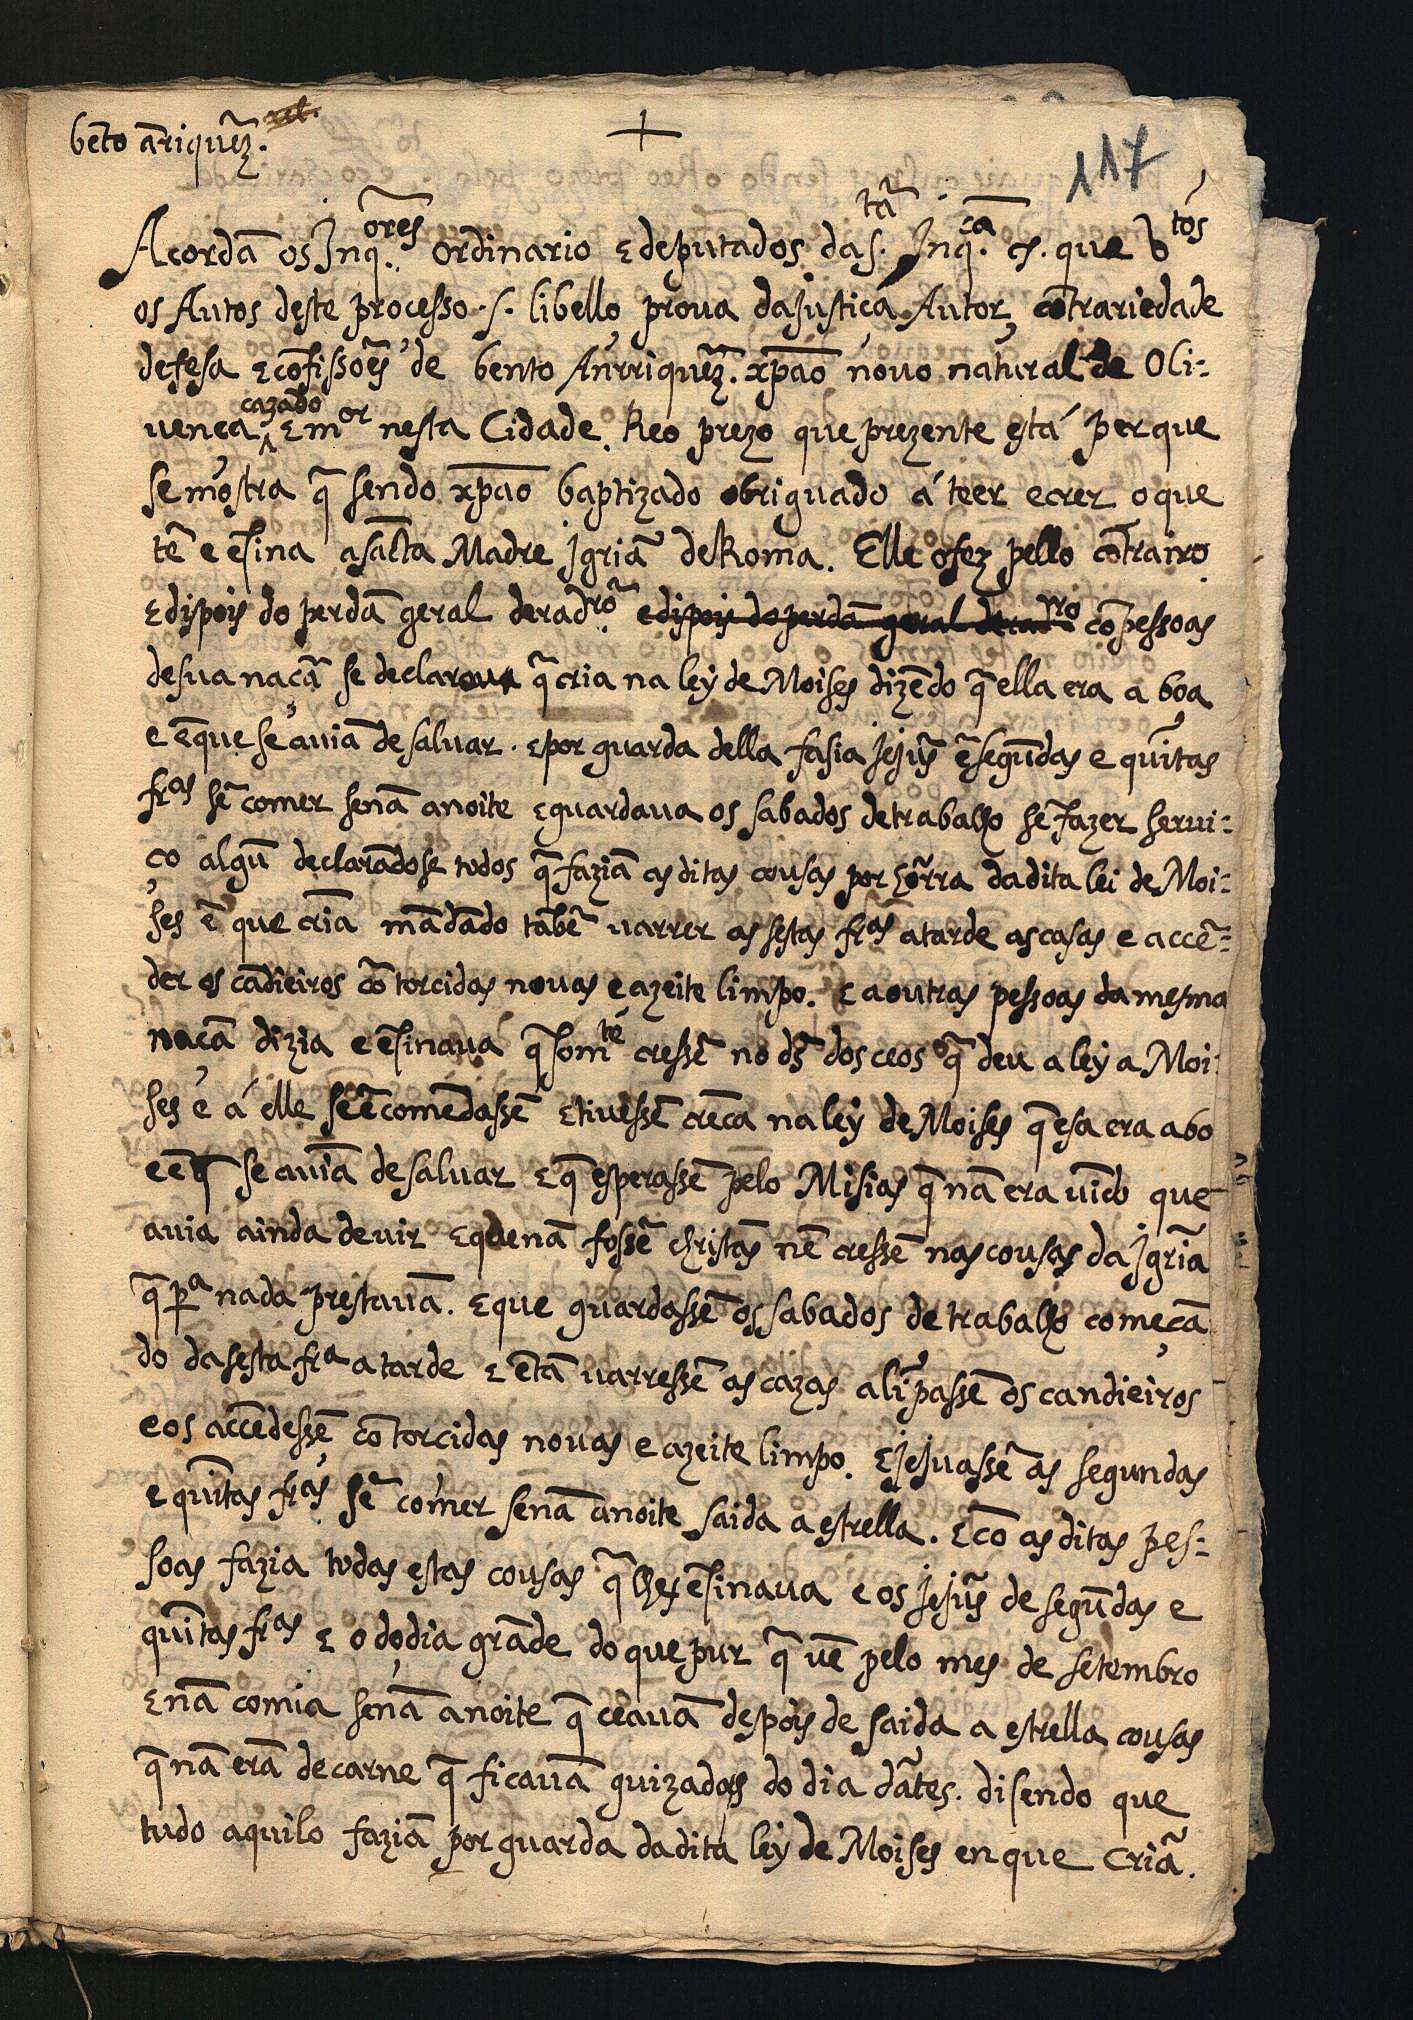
bēto āriquēz
Acordā os Inq.ores ordinario E deputados da S.tā Jnq.çā cꝭ que v.tos
os Autos deste processo .s. libello proua da Justiça Autor cōtrariedade
defesa E cōfissoẽs de bento Anrriquez̄ xpão nouo natural de Oli
uença
cazado
E mor nesta Cidade Reo prezo que prezente está per que
se mostra q̅ sendo xpão baptizado obriguado a teer e crer o que
tē e ēsina a sācta Madre Jgriā de Roma. Elle o fez pello cōtrairo
E dispois do perdā geral deradro e dispois de perdā geral deradro cō pessoas
de sua naçā se declaraua q̅ cria na ley de Moises dizēdo q̅ ella era a boa
e ē que se auiā de saluar. E por guarda della fasia jejūs ē segūdas e quītas
fras sē comer senā a noite E guardaua os sabados de trabalho sē fazer serui
ço algū declarādose todos q̄ faziā as ditas cousas por hōrra da dita lei de Moi
ses ē que criā mādādo tābē uarrer as sestas fras a tarde as casas e accē
der os cādieiros cō torcidas nouas, e azeite limpo. E a outras pessoas da mesma
naçā dizia e ēsinaua q̄ somte cressē no ds̄ dos ceos q̄ deu a ley a Moi
ses e a elle se ēcomēdassē E tiuessē crēça na ley de Moises q̄ esa era a bo
e ē q̄ se auiā de saluar E q̄ esperassē pelo Misias q̄ nā era uīdo que
auia ainda de uir E que nā fossē christãs nē cressē nas cousas da Jgrīa
q̄ ꝑa nada prestauā. E que guardassē os sabados de trabalho começā
do da sesta fra a tarde E ētā uarressē as cazas alīpassē os candieiros
e os accēdessē cō torcidas nouas e azeite limpo. E JeJuassē as segundas
e quītas fras sē comer senā a noite saida a estrella. E cō as ditas pes
soas fazia todas estas cousas q̅ lhes ēsinaua e os JeJūs de segūdas e
quītas fras E o do dia grāde do quepur q̄ uē pello mes de setembro
E nā comia senā a noite q̅ ceauā depois de saida a estrella cousas
q̄ nā erā de carne q̄ ficauā guizadas do dia dātes. disendo que
tudo aquilo faziā por guarda da dita ley de Moises en que criā
